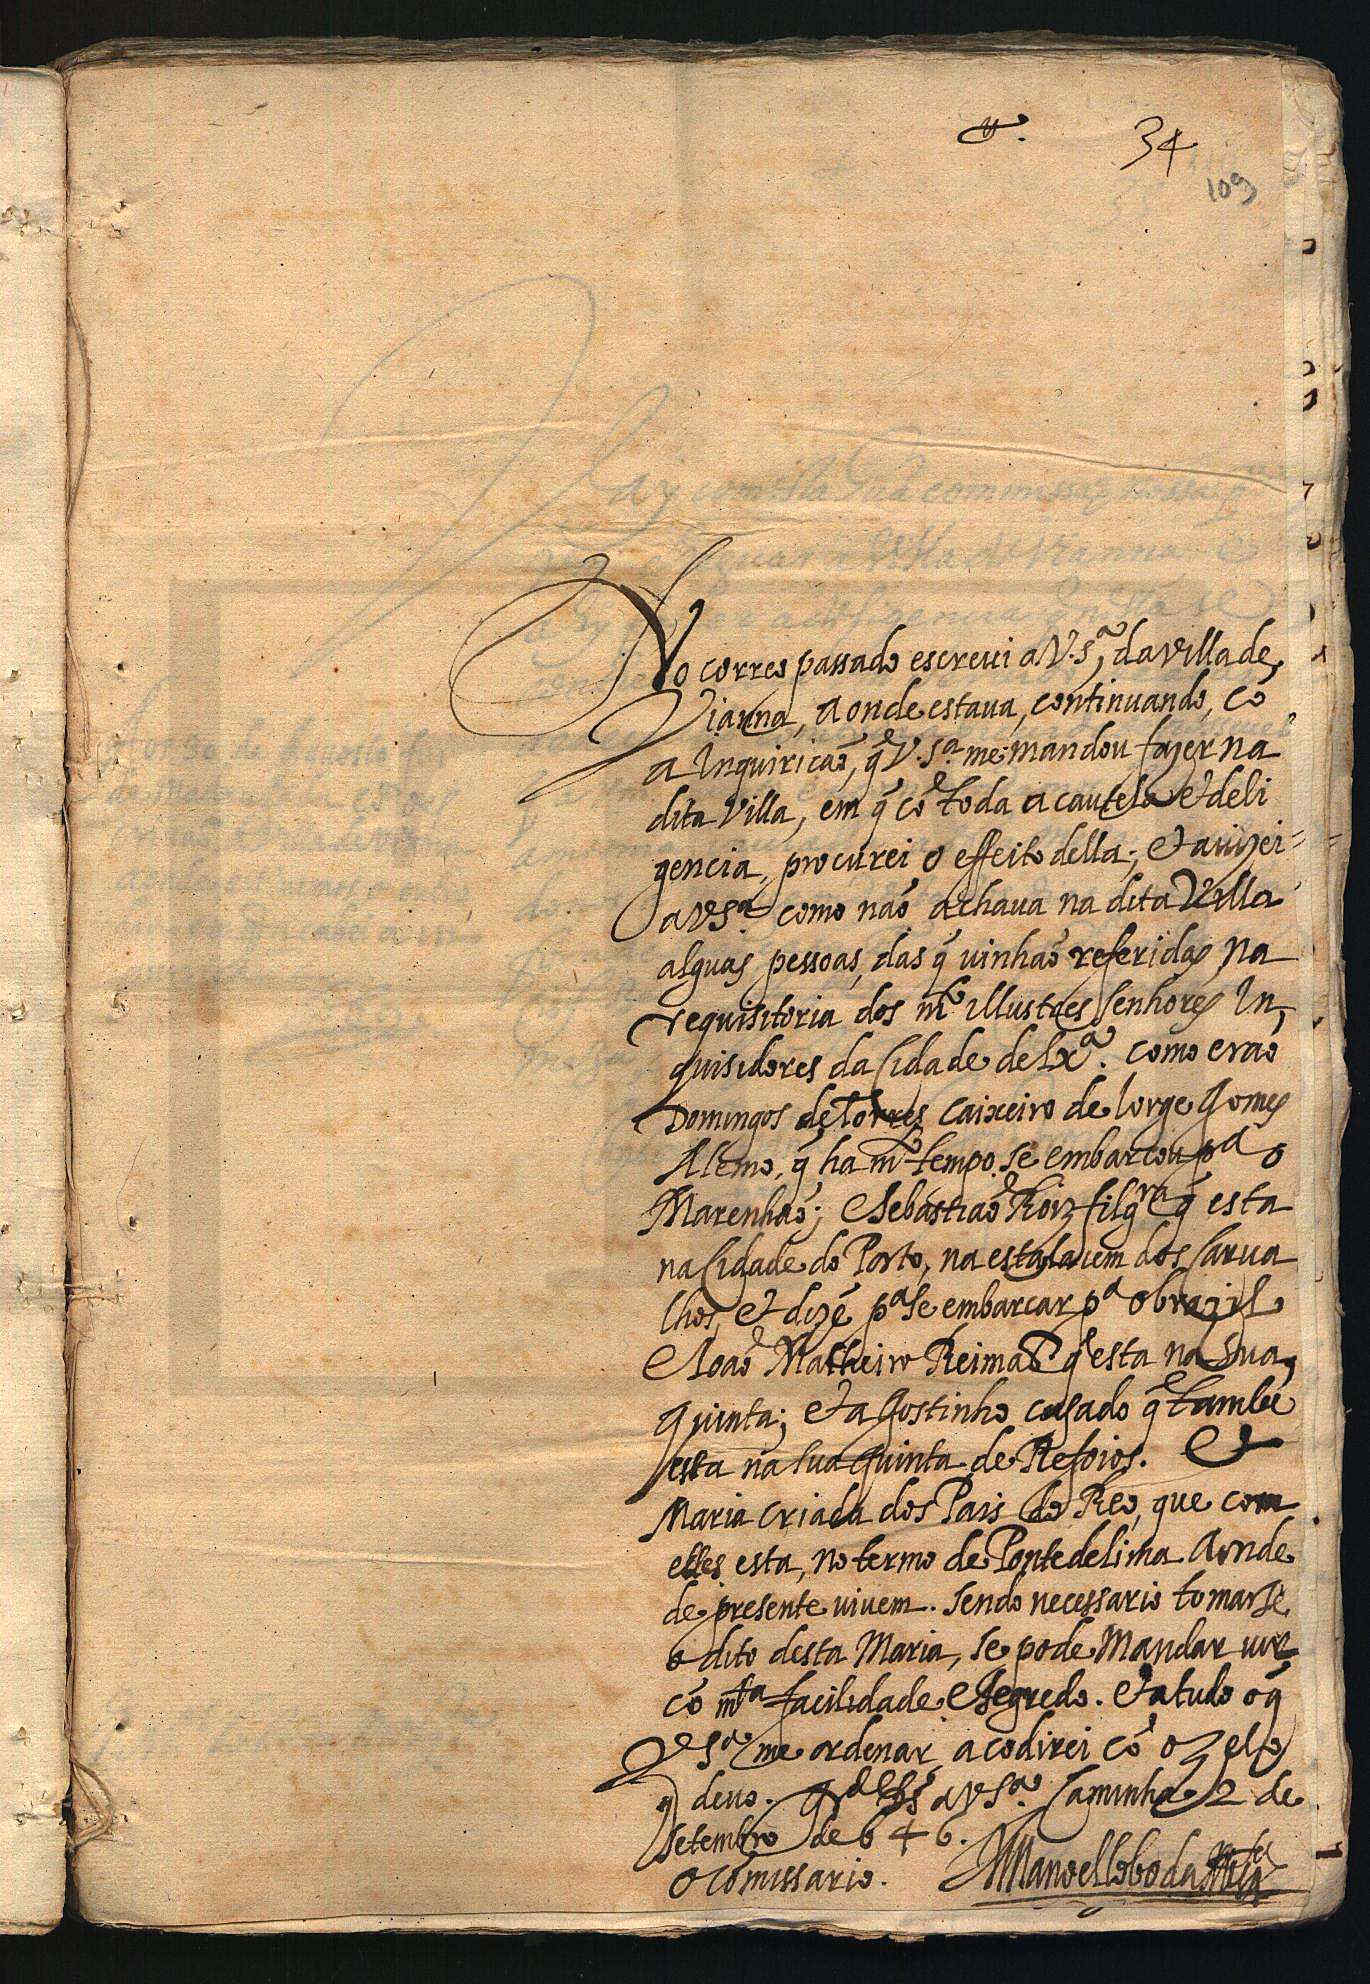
No correo passado escreui a V. Sa, da villa de
Vianna, aonde estaua, continuando, cō
a Inquiricaõ, q̄ V. S.a me mandou fazer na
dita villa, em q̄ cō toda a cautela & deli
gencia, procurei o effeito della; & auizei
a V S.a como naõ achaua na dita Villa
alguas pessoas, das q̄ uinhaõ referidas na
requisitoria dos mto illustres senhores In
quisidores da Cidade de Lxa. como eraõ
Domingos de Torres caixeiro de Iorge Gomes
Alemo, q̄ ha mto tempo se embarcou pa o
Marenhaõ; e Sebastiaõ Roiz filgra q̄ esta
na Cidade do Porto, na estalaiem dos Carua
lhos, & dizē pa se embarcar pa o braziL
e Ioaõ Matheiro Reimaõ q̄ esta na sua
quinta; & agostinho casado q̄ tambē
esta na sua quinta de Refoios. &
Maria criada dos Pais do Reo, que com
elles esta, no termo de Ponte de Lima aonde
de presente uiuem. sendo necessario tomarse
o dito desta Maria, se pode Mandar uir
cō mta facilidade e segredo. & a tudo o q̄
V Sa me ordenar, acodirei cō o zelo
q̄ deuo. Ḡde Ds̄ a V S.a Caminha 2 de
Setembro de 646.
O cōmissario.
